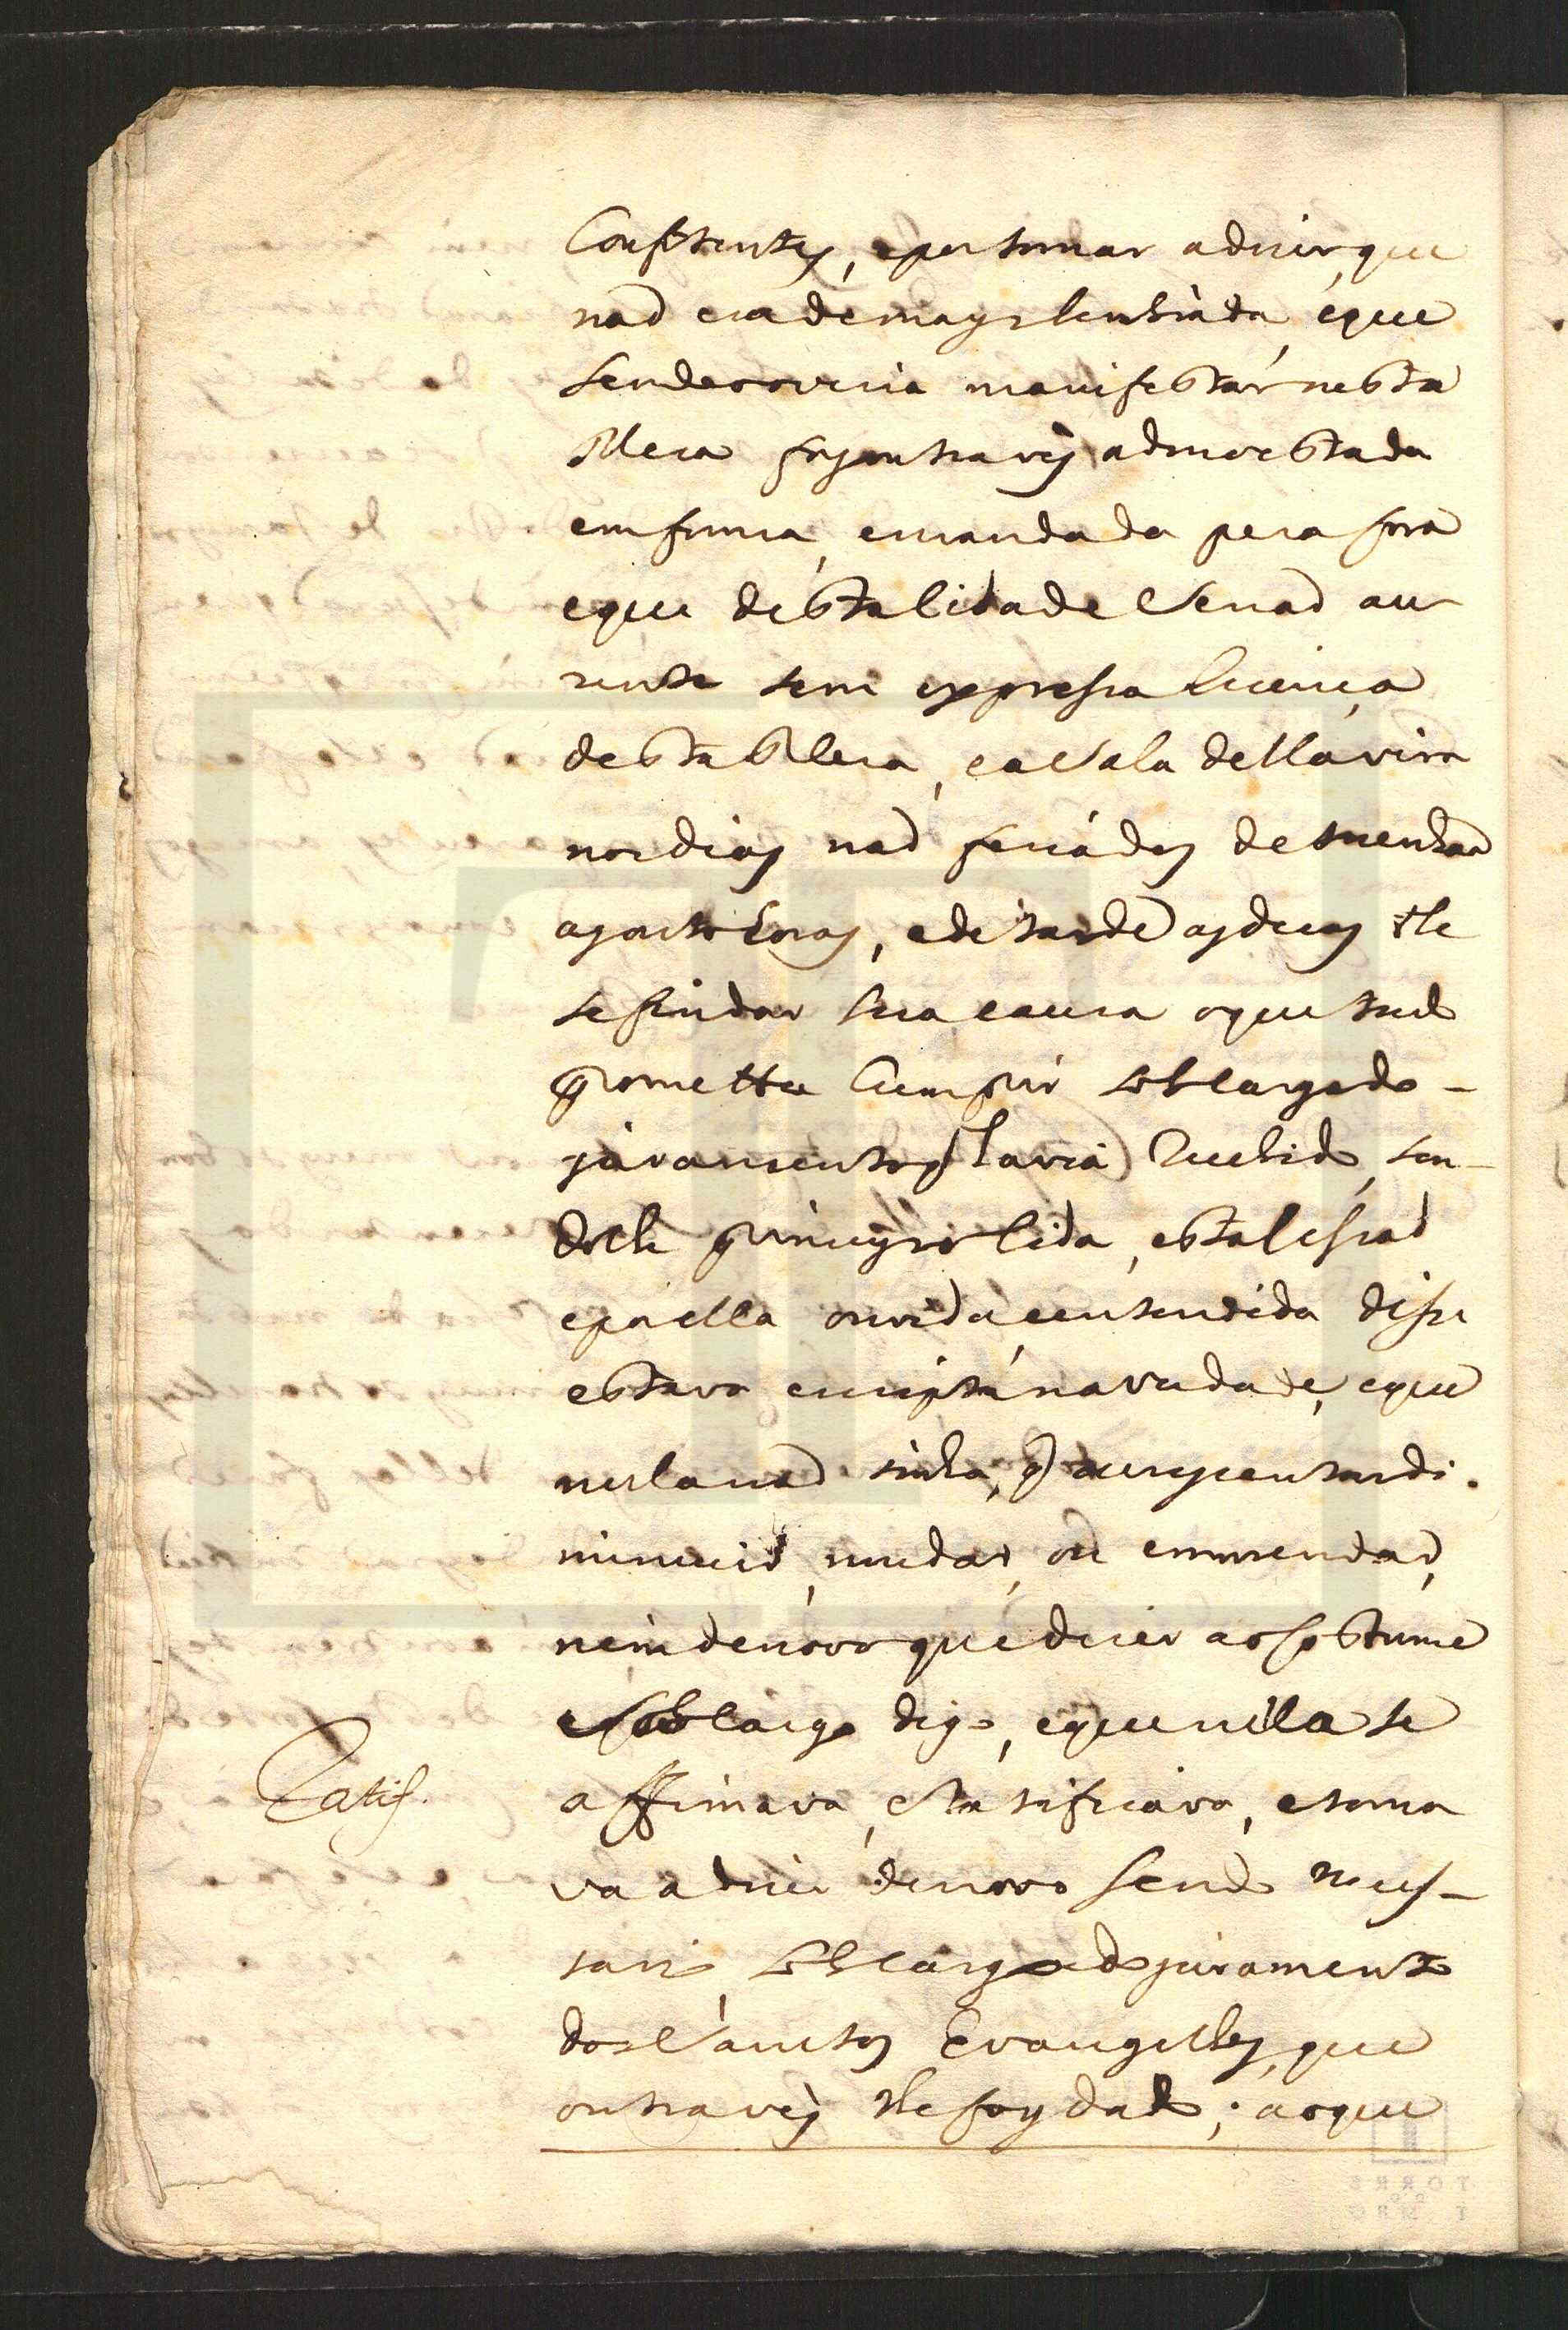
Ratif.
Confitentes, e por tornar a dizer, que
naõ era de mays lembràda, e que
sendoo o viria manifestar nesta
Meza foy outra vez admoestada
em forma, e mandada pera fora
e que desta cidade se naõ au
zente sem expressa licença
desta Mesa, e a sala della vira
nos dias naõ feriados de menhaã
as outo horas, e de tarde as duas the
se findar sua cauza o que tudo
prometteo cumprir sob cargo do
juramento q̄ havia Recebido, sen
dolhe primeyro lida, esta sessaõ
e por ella ouvida e entendida disse
estava escripta na verdade, e que
nesta naõ tinha, q̄ acrescentar di
minuir, mudar ou emmendar,
nem de novo que dizer ao Costume
e sob cargo digo, e que nella se
affirmava, e Ratificava, e torna
va a dizer de novo sendo neces
sario, sob cargo do juramento
dos sanctos Evangelhos, que
outra vés lhe foy dado; ao que
